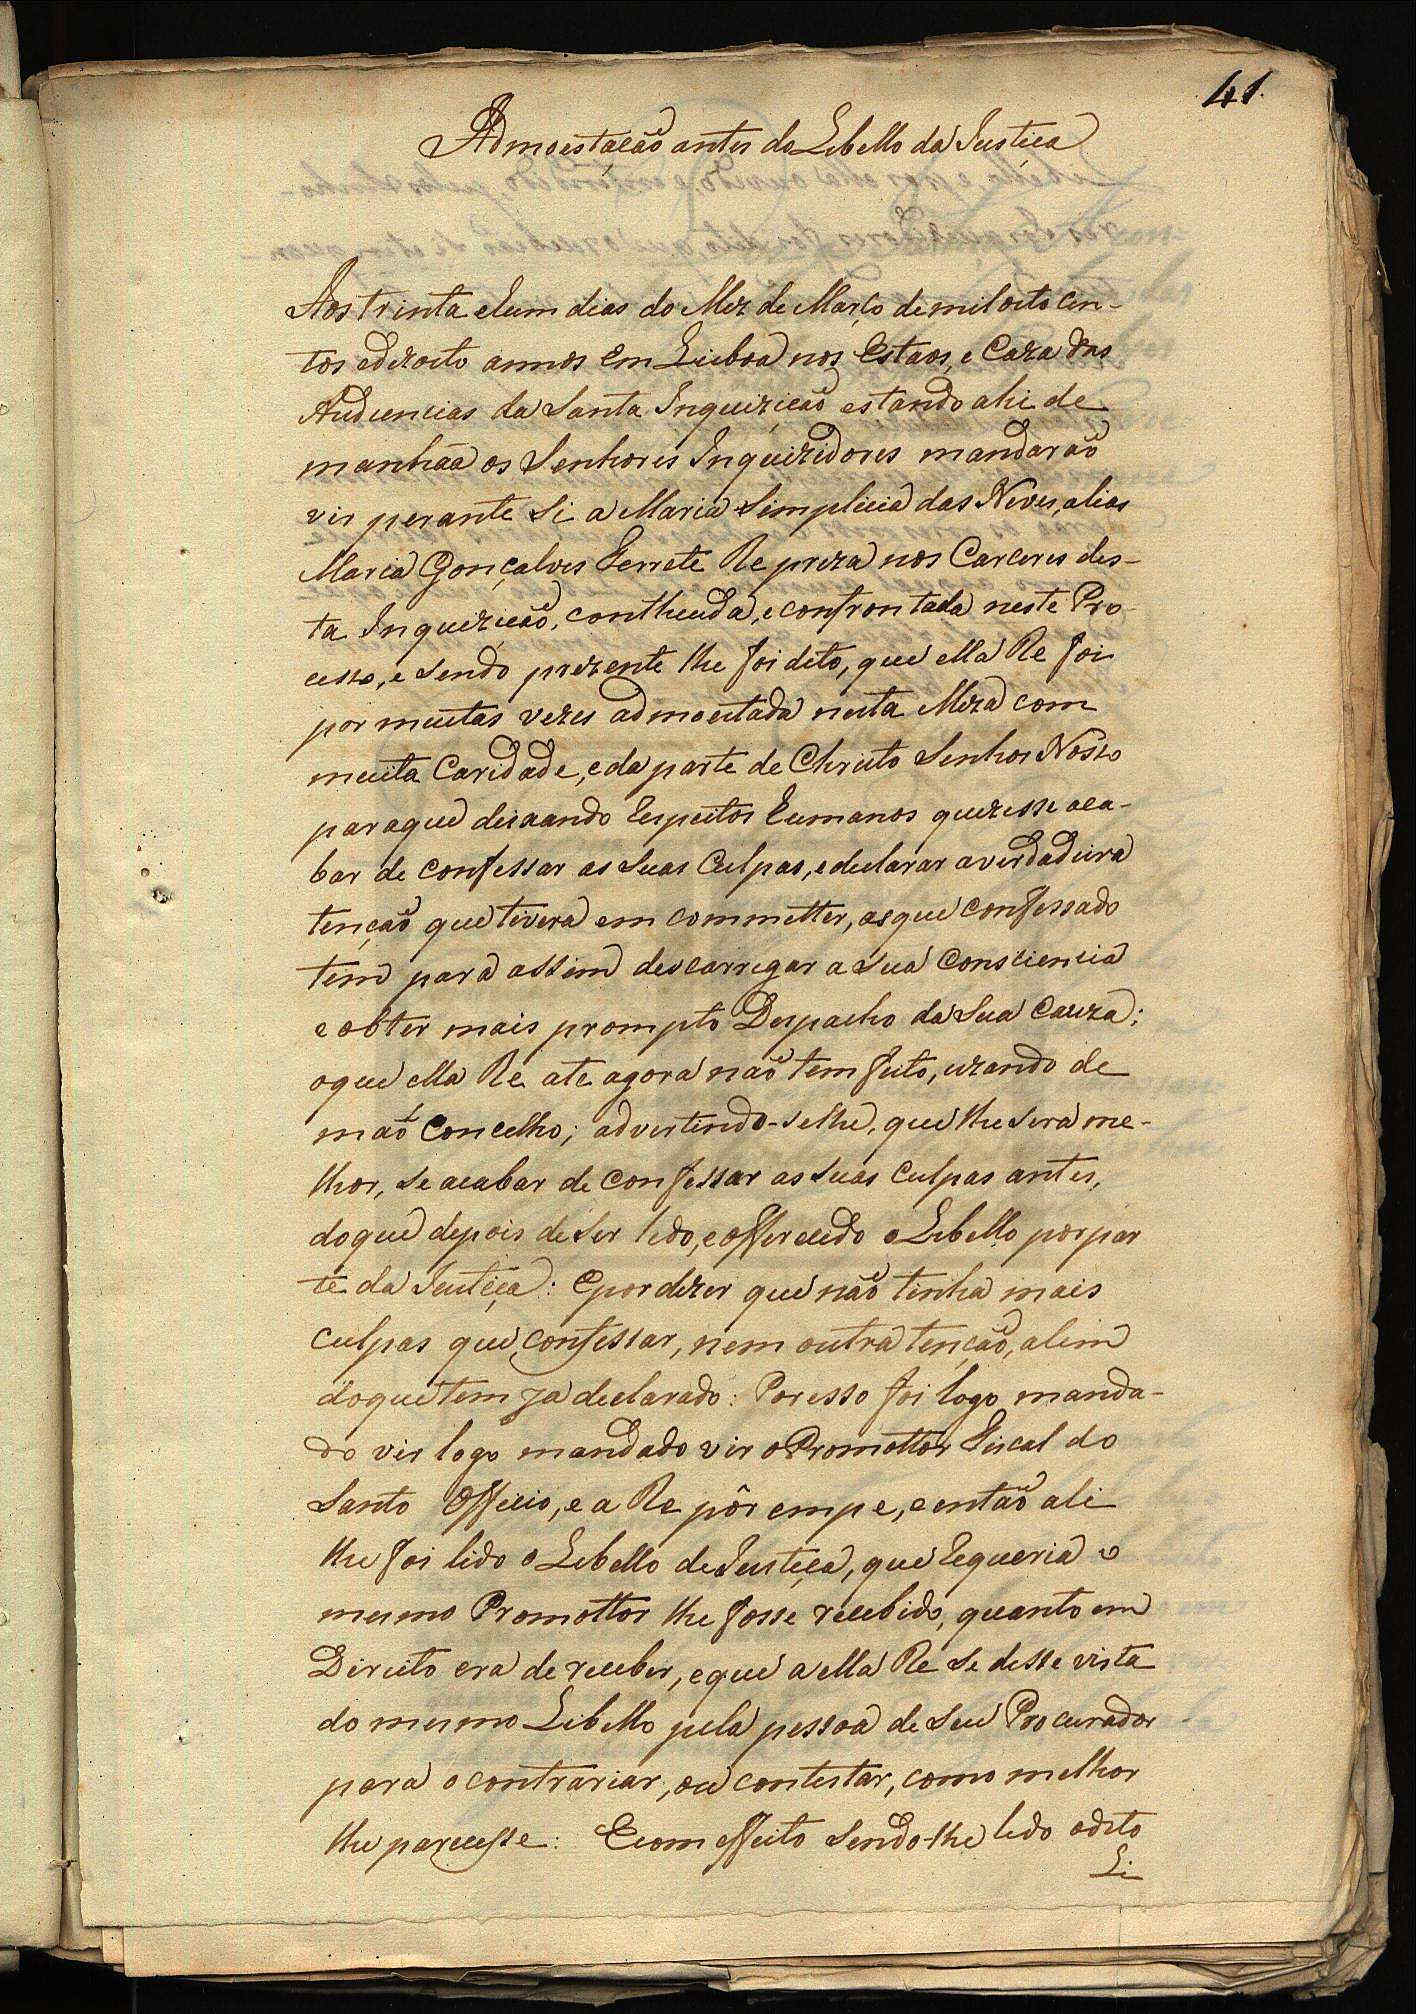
Admoestação antes do Libello da Iustiça
Aos trinta e hum dias do Mez de Março de mil oitocen
tos e dezoito annos em Lisboa nos Estaos, e Caza das
Audiencias da Santa Inquizição estando ahi de
manhãa os Senhores Inquizidores mandaraõ
vir perante si a Maria Simplicia das Neves, alias
Maria Gonçalves Ferrete Re preza nos Carceres des
ta Inquiziçaõ, contheuda, e confrontada neste Pro
cesso, e sendo prezente lhe foi dito, que ella Re foi
por muitas vezes admoestada nesta Meza com
muita Caridade, e da parte de Christo Senhor Nosso
para que deixando Respeitos humanos quezesse aca
bar de confessar as suas culpas, e declarar a verdadeira
tençaõ que tivera em commetter, as que confessado
tem para assim descarregar a sua consciencia
e obter mais prompto Despacho da Sua cauza;
o que ella Re ate agora naõ tem feito, uzando de
maó concelho; advertindo-selhe, que lhe sera me
lhor, se acabar de confessar as suas culpas antes,
do que depois de ser lido, e offerecido o Libelo, por par
te da Iustiça: E por dizer que naõ tinha mais
culpas que confessar, nem outra tençaõ, alem
do que tem ja declarado: Por esso foi logo manda
do vir logo mandado vir o Promottor Fiscal do
Santo Officio, e a Re pôr em pe, e entaõ ali
lhe foi lido o Libello de Iustiça, que Requeria o
mesmo Promottor lhe fosse recebido, quanto em
Direito era de receber, e que a ella Re se desse vista
do mesmo Libello pela pessoa do seu Procurador
para o contrariar, ou contestar, como melhor
lhe parecesse: E com effeito sendo-lhe lido o dito
